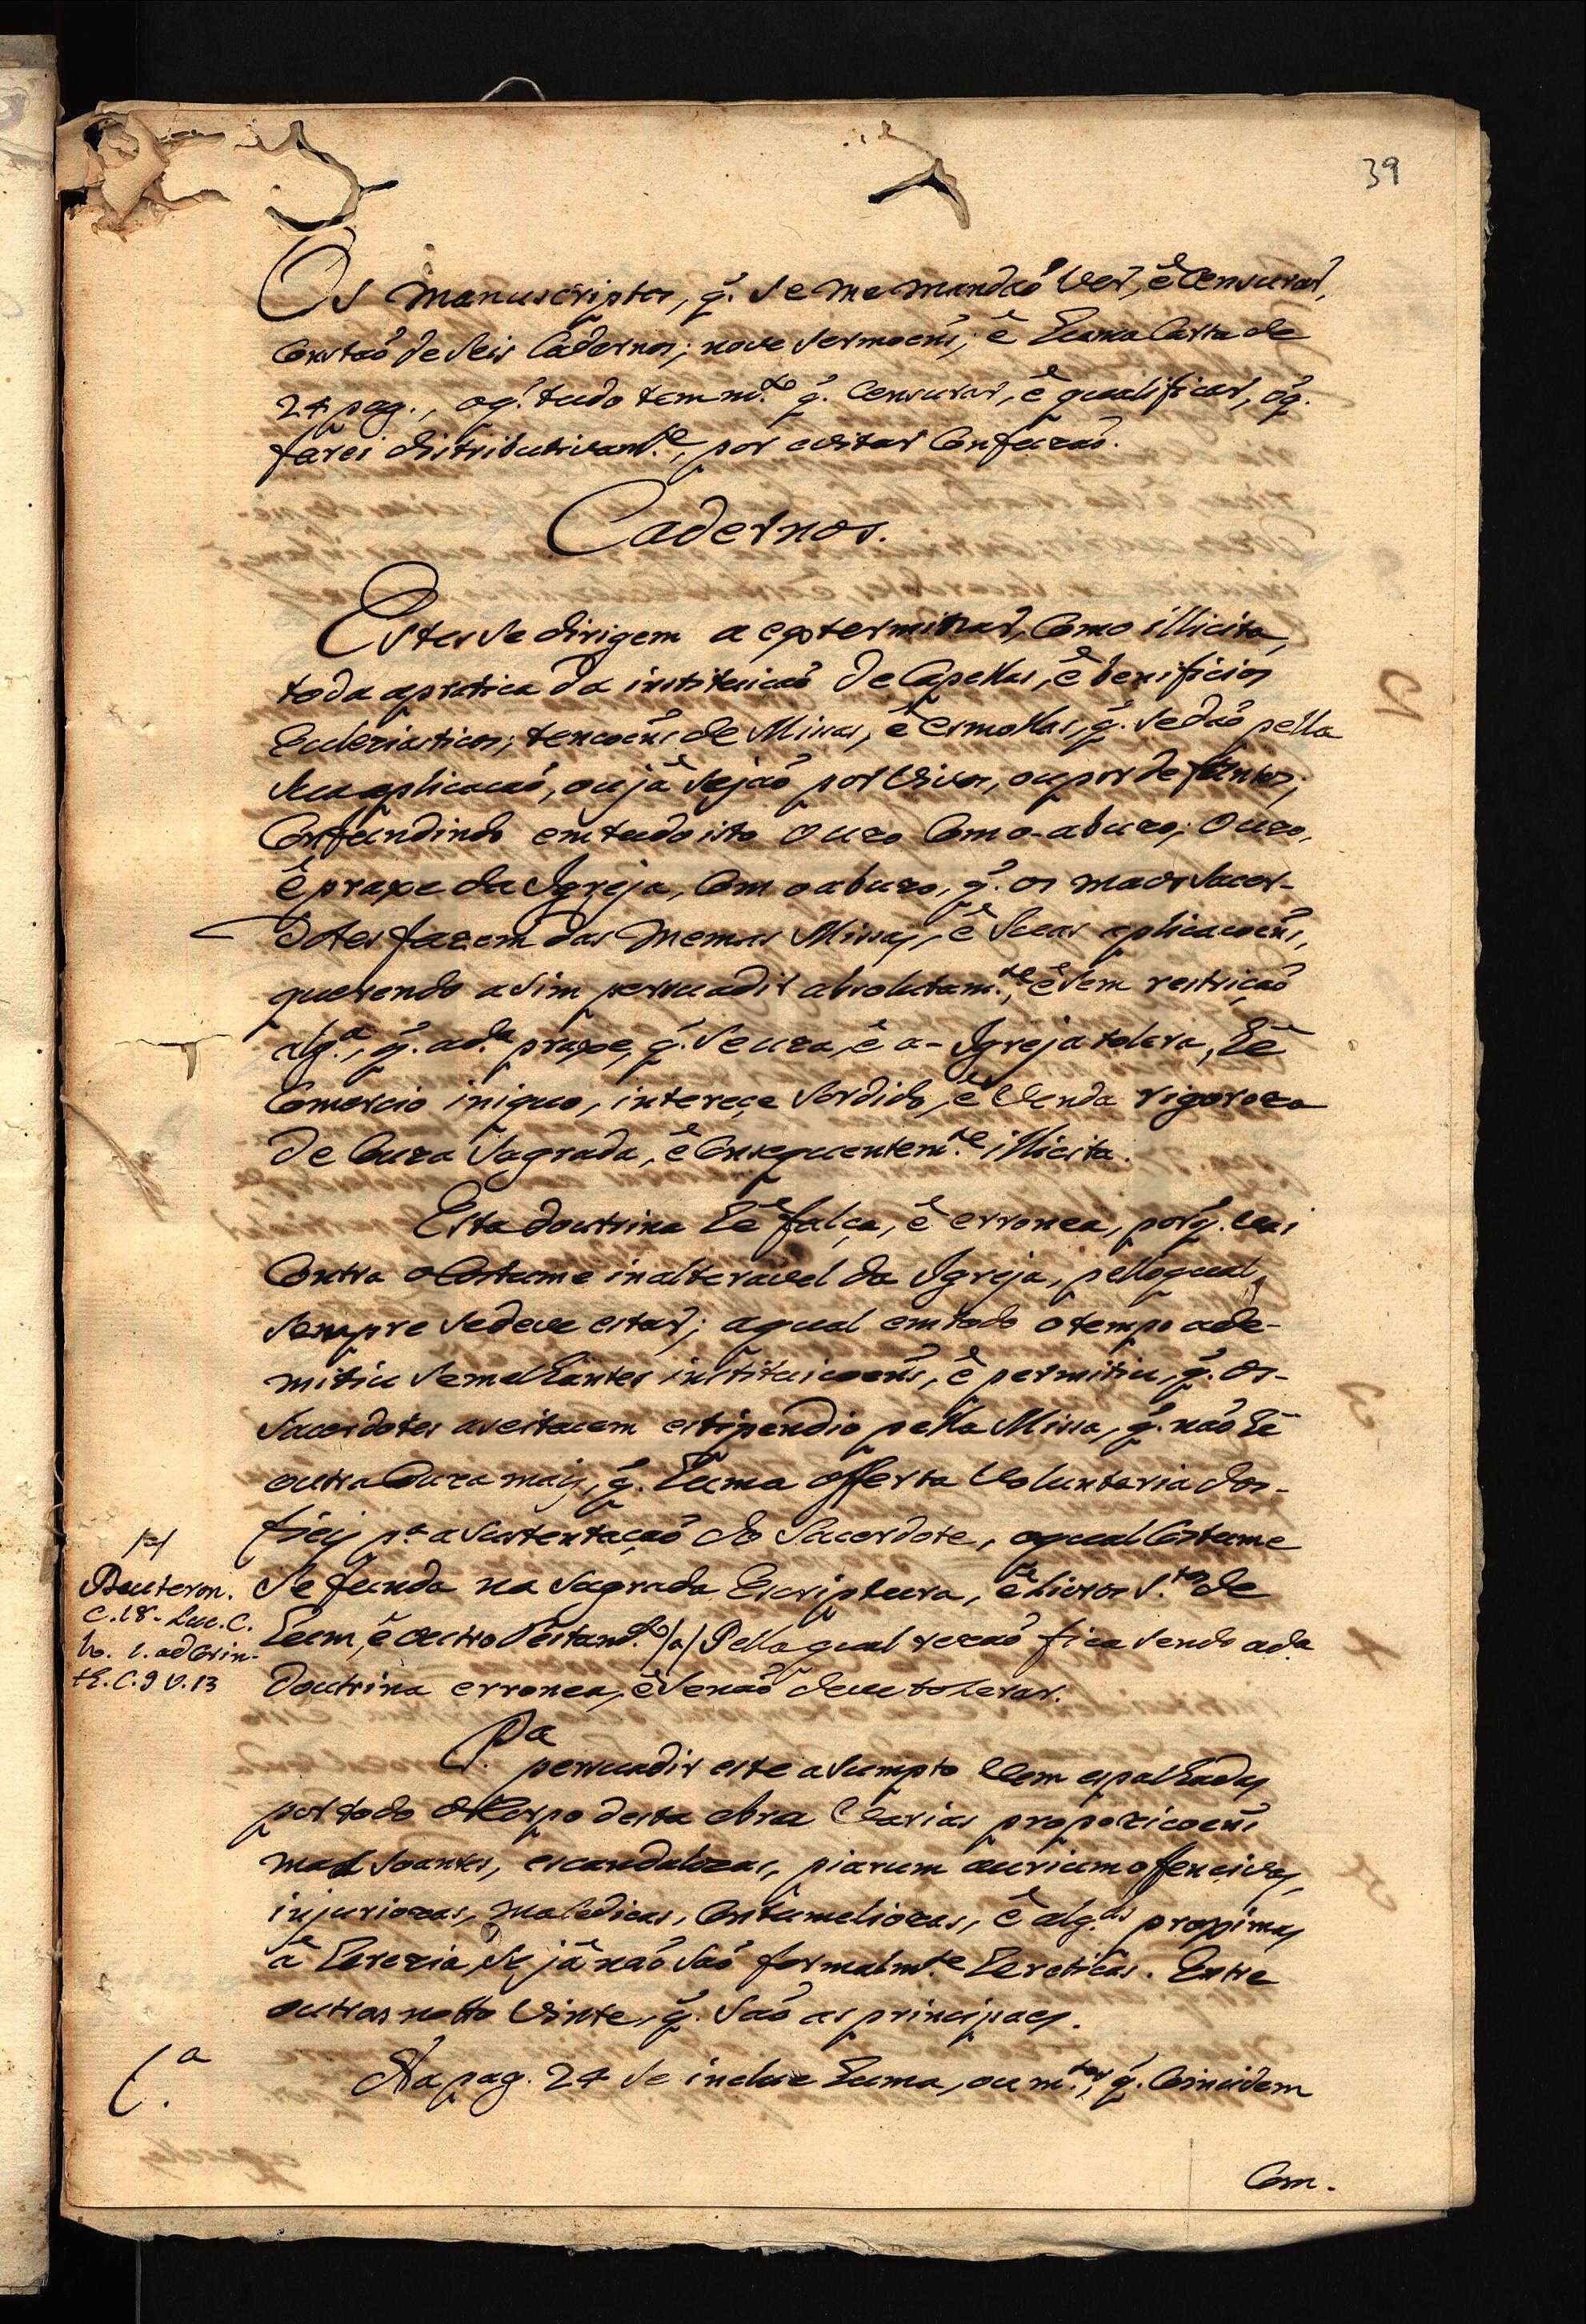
Deuteron.
C.18. Luc. C.
lo. 1. ad corin
th. C.9 V.13
C.a
Os manuscriptos, q̄ se me mandaõ ver, ê censurar,
constaõ de seis Cadernos; nove sermoeñs; ê huma Carta de
24 pag., o q̄. tudo tem m.to q̄ censurar, ê qualificar, o q̄.
farei distributivam.te por evitar Confuzaõ.
Cadernos.
Estes se dirigem a exterminar, Como illicita,
toda a pratica da instituiçaõ de Capellas, ê benificios
Eccleziasticos; tencoen̄s de Missas, ê esmollas, q̄ se daõ pella
sua aplicacaõ, ou já sejaõ por vivos, ou por defuntos;
Confundindo em tudo isto o uzo Com o abuzo; O uzo,
ê praxe da Jgreja, Com o abuzo, q̄ os maos sacer
dotes fazem das memas Missas, ê suas aplicacoen̄s,
querendo asim persuadir absolutam.te, ê sem restriçaõ
alg.a, q̄. a d.a praxe, q̄ se uza, ê a - Igreja tolera, hê
Comercio iniquo, intereçe sordido, ê venda rigoroza
de Couza sagrada, ê consequentem.te illicita.
Esta doutrina hê falça, ê erronea, porq̄ vai
Contra o Costume inalteravel da Igreja, pello qual,
sempre se deve estar; a qual em todo o tempo ade
mitiu semelhantes instituicoeñs, ê permitiu, q̄. os
Sacerdotes aseitacem estipendio pella Missa, q̄. naõ hé
outra Couza mais, q̄. huma offerta voluntaria dos
fieis p.a a sustentaçaõ do Sacerdote, o qual Costume
se funda na sagrada Escriptura, ê Livros s.tos de
hum, ê outro Testam.to /a/ Pella qual rezaõ fica sendo a d.a
Doutrina erronea, ê se naõ deve toLerar.
P.a persuadir este asumpto vem espalhadas
por todo o Corpo desta obra varias propozicoeñs
maL soantes, escandalozas, piarum aurium offençivas,
injuriozas, maledicas, contumeliozas, ê alg.as proximas
â herezia, se jâ naõ saõ formalm.te hereticas. Entre
outras notto vinte, q̄. saõ as principaes.
Na pag. 24 se inclue huma, ou m.tas, q̄. Coincidem
Com
